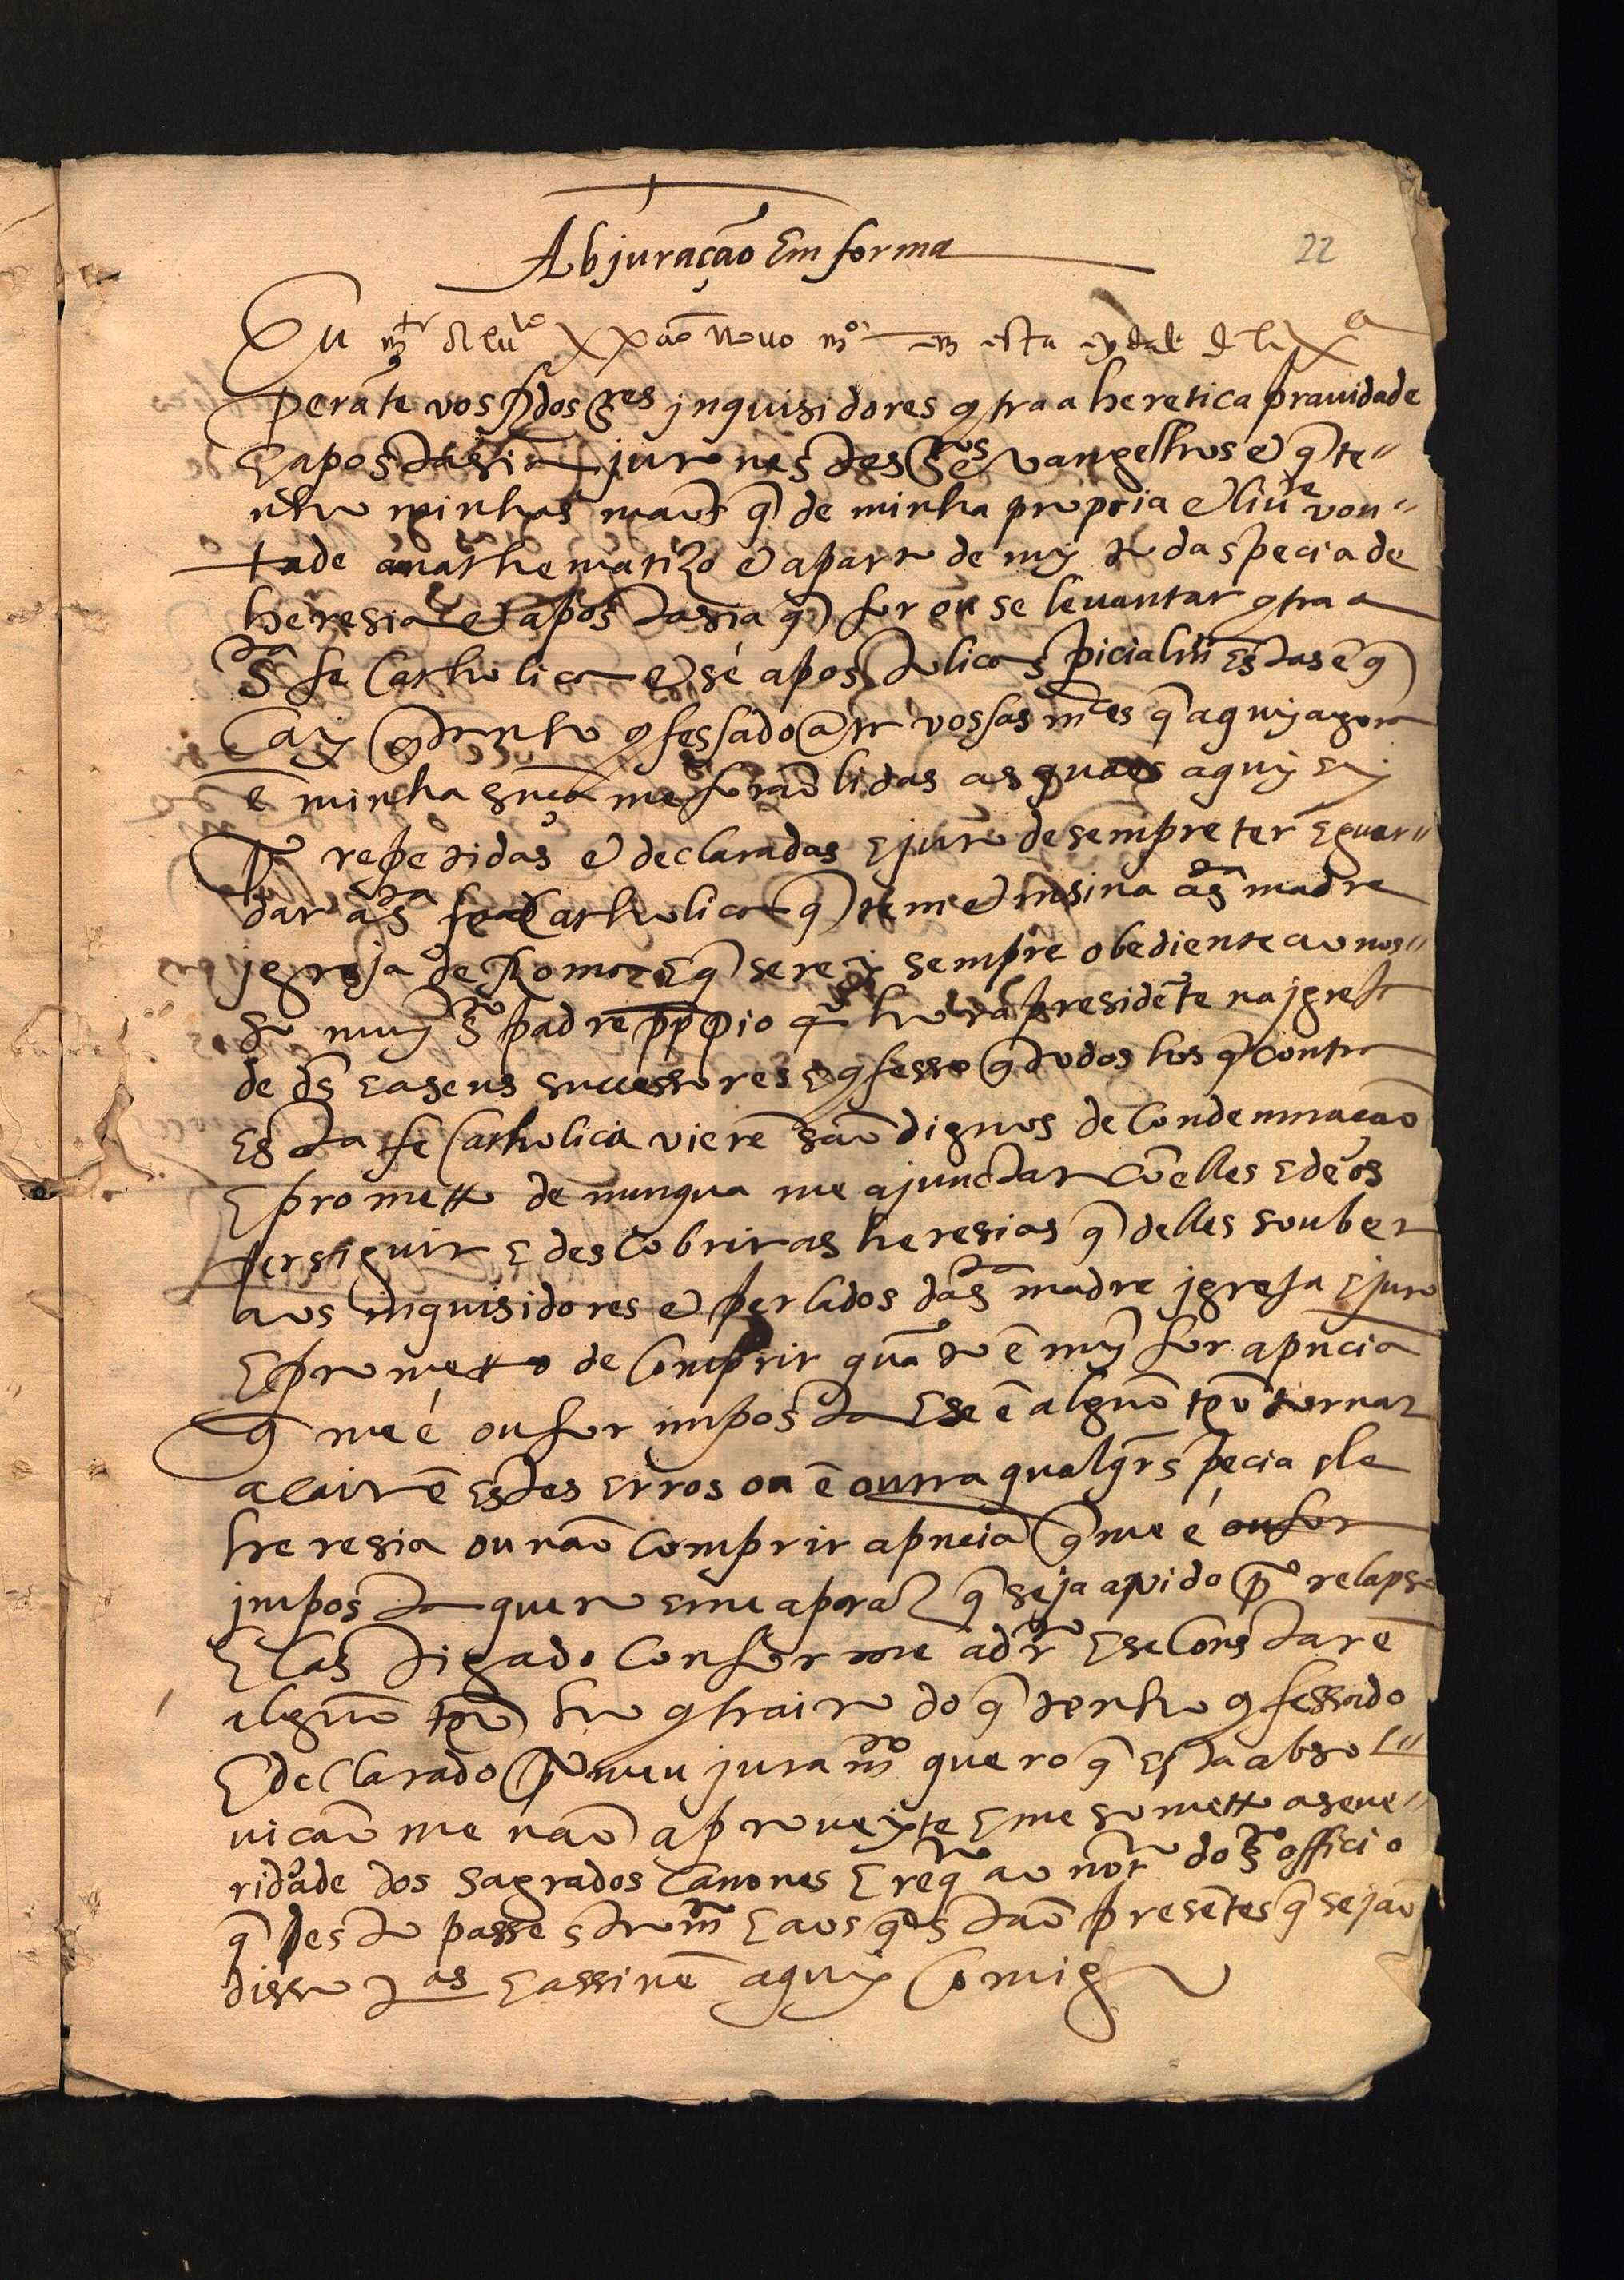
Abjuraçaõ Em forma
Eu mte Aluro Xpaõ nouo mor em esta cydade de lixa
Perāte vos Rdos sres jnquisidores ꝯtra a heretica prauidade
E apostasia juro nestes stos evangelhos ē q̄ te
nho minhas maõs q̄ de minha propria e liure von
tade anathematizo e aparto de my toda specia de
heresia e apostasia q̄ for ou se leuantar ꝯtra a
Sta fe Catholica e sé apostolica spicialmte Estas ē q̄
Cay q̄ tenho ꝯfessado ātre vossas m̄ces q̄ aquy agora
ē minha snçā me forão lidas as quaes aquy Ey
p̄o repetidas e declaradas E juro de sempre ter E guar
dar a sta fee Catholica q̄ tem emsina a sta madre
jgreja de Roma E q̄ serey sempre obediente ao nos
so muy sto padre p̄p̄ pio 4o hora presidēte na jgreja
de ds̄ E a seus successores E ꝯfesso q̄ todos hos q̄ contra
Esta fe Catholica vierē são dignos de condemnação
E prometto de nunqua me ajunctar cō elles E de os
persiguir E descobrir as heresias q̄ delles souber
aos inquisidores e perlados da sta madre jgreJa E juro
E prometto de Comprir quāto ē mȳ for a pn̄cia
q̄ me é ou for imposta E se ē alguō tpō tornar
a cair ē Estes Erros ou ē outra qualqr̄ specia de
heresia ou não comprir a pnciā q̄ me é ou for
jmposta quero E me apraz q̄ seja avido p̄o relapso
E Castigado conforme a drto E se Constar ē
algūo tpō ho ꝯtrairo do q̄ tenho ꝯfessado
E declarado p̄o meu juramto quero q̄ Esta absol
uição me naõ aproueyte E me sometto a seue
ridade dos Sagrados Canones E reqro ao notro do sto officio
q̄ desto passe stromto E aos q̄ estaõ presētes q̄ sejaõ
disso tas E assinē aquy Comigo
